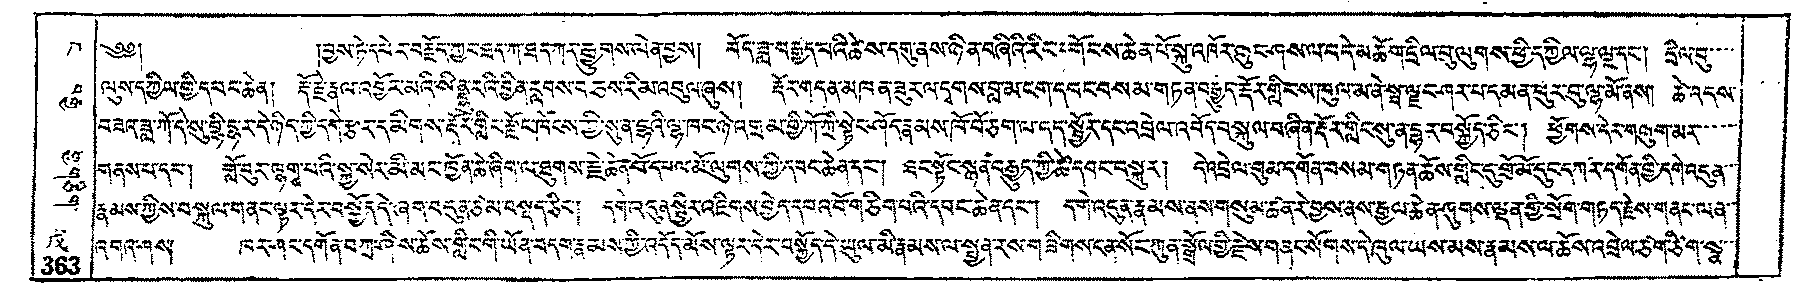༄༅། །བྱས་ཏེ་དཔེར་བརྗོད་ཀྱང་ཐད་ཀ་ཐད་ཀར་རྒྱུགས་ལེན་བྱས། བོད་ཟླ་བརྒྱད་པའི་ཚེས་དགུ་ནས་ཉིན་བཞིའི་རིང་༧གོང་ས་ཆེན་པོ་སྐུ་འཁོར་ཉུང་ཤས་ལ་བདེ་མཆོག་དྲིལ་བུ་ལུགས་ཕྱི་དཀྱིལ་ལྷ་ལྔ་དང་། དྲིལ་བུ་
ལུས་དཀྱིལ་གྱི་དབང་ཆེན། རྡོ་རྗེ་རྣལ་འབྱོར་མའི་སིནྡྷུ་རའི་བྱིན་རླབས་བཅས་རིམ་འབུལ་ཞུས། རྡོར་གདན་མཁན་ཟུར་ལ་དྭགས་བླ་མ་ངག་དབང་བསམ་གཏན་བརྒྱུད་རྡོར་གླིང་ས་ཁུལ་མ་ནེ་སྦ་ལྗང་ཤར་པ་དམན་ཕུར་བུ་ལྷ་མོ་ནས། ཚེ་འདས་
བཟའ་ཟླ་ཀོ་དེ་སུ་བྷི་དྷ་ར་དེ་ཉིད་ཀྱི་དགེ་རྩར་དམིགས་རྡོར་གླིང་རྫོང་ཁོངས་ཀྱི་སུ་ན་དྷའི་ལྷ་ཁང་ཉེ་འགྲམགྱི་ཀོ་ཀྲི་སྟེང་ཤོད་རྣམས་ཁོ་བོ་ཅག་ལ་དད་སྦྱོར་དང་འབྲེལ་འབོད་སྐུལ་བཞིན་རྡོར་གླིང་སུ་ན་དྷར་བསྐྱོད་ཅིང་། ཕྱོགས་དེར་གཉུག་མར་
གནས་པ་དང་། གློ་བུར་ལྷགས་པའི་སྐྱ་སེར་མི་མང་ཁྱོན་ཆེ་ཞིག་ལ་ཐུགས་རྗེ་ཆེན་པོ་དཔལ་མོ་ལུགས་ཀྱི་དབང་ཆེན་དང་། ཐང་སྟོང་སྙན་བརྒྱུད་ཀྱི་ཚེ་དབང་བསྐུར། དེ་འབྲེལ་གུམ་དགོན་བསམ་གཏན་ཆོས་གླིང་དུ་གྲོ་མོ་དུང་དཀར་དགོན་གྱི་དགེ་འདུན་
རྣམས་ཀྱིས་བསྐུལ་གནང་ལྟར་དེར་བསྐྱོད་དེ་ཞག་བདུན་ཙམ་བསྡད་ཅིང་། དགེ་འདུན་སྤྱིར་འཇིགས་བྱེད་དཔའ་བོ་གཅིག་པའི་དབང་ཆེན་དང་། དགེ་འདུན་རྣམས་ནས་གསུམ་ཚན་རེ་བྱས་ནས་རྒྱལ་ཆེན་ཤུགས་ལྡན་གྱི་སྲོག་གཏད་རྗེས་གནང་ལན་
འགའ་ཤས། ཁར་ཤང་དགོན་བཀྲ་ཤིས་ཆོས་གླིང་གི་ཡོན་བདག་རྣམས་ཀྱི་འདོད་མོས་ལྟར་དེར་བསྐྱོད་དེ་ཡུལ་མི་རྣམས་ལ་སྤྱན་རས་གཞགས་ངན་སོང་ཀུན་སྒྲོལ་གྱི་རྗེས་གནང་སོགས་དེ་ཁུལ་ཡས་མས་རྣམས་ལ་ཆོས་འབྲེལ་ཙག་ཙིག་སྣ་